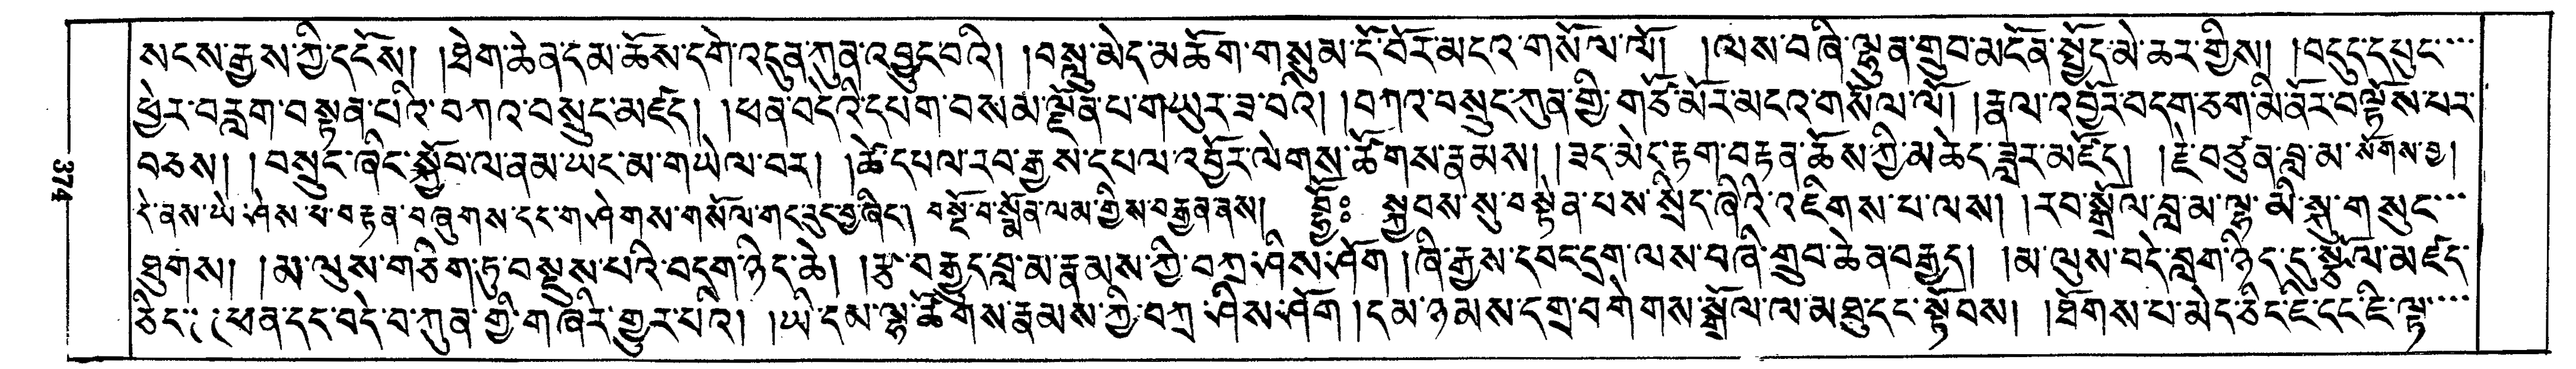སངས་རྒྱས་ཀྱི་དངོས། །ཐེག་ཆེན་དམ་ཆོས་དགེ་འདུན་ཀུན་འབྱུང་བའི། །བསླུ་མེད་མཆོག་གསུམ་ངོ་བོར་མངའ་གསོལ་ལོ། །ལས་བཞི་ལྷུན་གྲུབ་མངོན་སྤྱོད་མེ་ཆར་གྱིས། །བདུད་དཔུང་
ཕྱེར་བརླག་བསྟན་པའི་བཀའ་བསྲུང་མཛད། །ཕན་བདེའི་དཔག་བསམ་ལྗོན་པ་གཡུར་ཟ་བའི། །བཀའ་བསྲུང་ཀུན་གྱི་གཙོ་མོར་མངའ་གསོལ་ལོ། །རྣལ་འབྱོར་བདག་ཅག་མི་ནོར་བལྟོས་པར་
བཅས། །བསྲུང་ཞིང་སྐྱོབ་ལ་ནམ་ཡང་མ་གཡེལ་བར། །ཚེ་དཔལ་རབ་རྒྱས་དཔལ་འབྱོར་ལེགས་ཚོགས་རྣམས། །ཟད་མེད་རྟག་བརྟན་ཆོས་ཀྱི་མཆེད་ཟླར་མཛོད། །རྗེ་བཙུན་བླ་མ་སོགས་བྱ།
དེ་ནས་ཡེ་ཤེས་པ་བརྟན་བཞུགས་དང་གཤེགས་གསོལ་གང་རུང་བྱ་ཞིང་། བསྔོ་བ་སྨོན་ལམ་གྱིས་བརྒྱན་ནས། བྷྱཽཿ སྐྱབས་སུ་བསྟེན་པས་སྲིད་ཞིའི་འཇིགས་པ་ལས། །རབ་སྒྲོལ་བླ་མ་ལྷ་ཡི་སྐུ་གསུང་
ཐུགས། །མ་ལུས་གཅིག་ཏུ་བསྡུས་པའི་བདག་ཉིད་ཆེ། །རྩ་བརྒྱུད་བླ་མ་རྣམས་ཀྱི་བཀྲ་ཤིས་ཤོག །ཞི་རྒྱས་དབང་དྲག་ལས་བཞི་གྲུབ་ཆེན་བརྒྱད། །མ་ལུས་བདེ་བླག་ཉིད་དུ་སྩོལ་མཛད་
ཅིང༑ ༑ཕན་དང་བདེ་བ་ཀུན་གྱི་གཞིར་གྱུར་པའི། །ཡི་དམ་ལྷ་ཚོགས་རྣམས་ཀྱི་བཀྲ་ཤིས་ཤོག །དམ་ཉམས་དགྲ་བགེགས་སྒྲོལ་ལ་མཐུ་དང་སྟོབས། །ཐོགས་པ་མེད་ཅིང་ཇི་དང་ཇི་ལྟ་